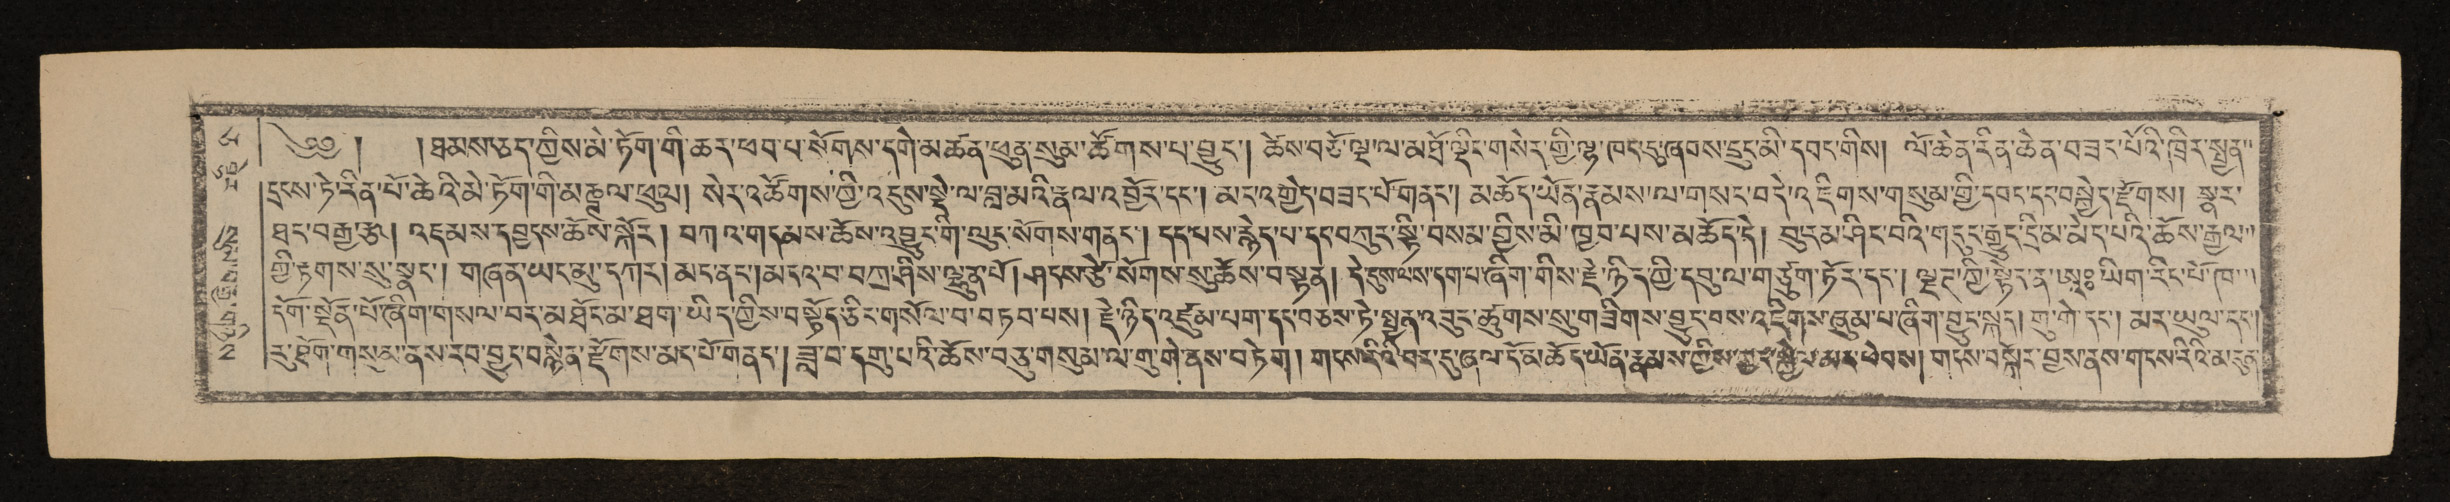༄༅། །ཐམས་ཅད་ཀྱིས་མེ་ཏོག་གི་ཆར་ཕབ་པ་སོགས་དགེ་མཚན་ཕུན་སུམ་ཚོགས་པ་བྱུང་། ཚེས་བཅོ་ལྔ་ལ་མཐོ་ལྡིང་གསེར་གྱི་ལྷ་ཁང་དུ་ཞབས་དྲུང་མི་དབང་གིས། ལོ་ཆེན་རིན་ཆེན་བཟང་པོའི་ཁྲིར་སྤྱན་
དྲངས་ཏེ་རིན་པོ་ཆེའི་མེ་ཏོག་གི་མཎྜལ་ཕུལ། སེར་འཚོགས་ཀྱི་འདུས་སྡེ་ལ་བླ་མའི་རྣལ་འབྱོར་དང་། མང་འགྱེད་བཟང་པོ་གནང་། མཆོད་ཡོན་རྣམས་ལ་གསང་བདེ་འཇིགས་གསུམ་གྱི་དབང་དང་བསྐྱེད་རྫོགས། སྣར་
ཐང་བརྒྱ་རྩ། འཇམས་དབྱངས་ཆོས་སྐོར། བཀའ་གདམས་ཆོས་འབྱུང་གི་ལུང་སོགས་གནང་། དད་པས་རྙེད་པ་དང་བཀུར་སྟི་བསམ་གྱིས་མི་ཁྱབ་པས་མཆོད་དེ། བུ་རམ་ཤིང་པའི་གདུང་རྒྱུད་དྲི་མ་མེད་པའི་ཆོས་རྒྱལ་གྱི་རྟགས་
སུ་སྣང་། གཞན་ཡང་མུ་དཀར། མང་ནང་། མདའ་པ་བཀྲ་ཤིས་ལྷུན་པོ། ཤངས་རྩེ་སོགས་སུ་ཆོས་བསྟན། དེ་དུས་ལས་དག་པ་ཞིག་གིས་རྗེ་ཉིད་ཀྱི་དབུ་ལ་གཙུག་ཏོར་དང་། ལྗགས་ཀྱི་སྟེང་ན་ཨཱཿཡིག་རིང་པོ་ཁ་དོག་སྔོན་པོ་ཞིག་
གསལ་བར་མཐོང་མ་ཐག་ཡིད་ཀྱིས་བསྟོད་ཅིང་གསོལ་བ་བཏབ་པས། རྗེ་ཉིད་འཛུམ་པག་དང་བཅས་ཏེ་སྤྱན་འབུར་ཚུགས་སུ་གཟིགས་བྱུང་བས་འཇིགས་ཞུམ་པ་ཞིག་བྱུང་སྐད། གུ་གེ་དང་། མར་ཡུལ་དང་། རུ་ཐོག་གསུམ་ནས་
རབ་བྱུང་བསྙེན་རྫོགས་མང་པོ་གནང་། ཟླ་བ་དགུ་པའི་ཚེས་བཅུ་གསུམ་ལ་གུ་གེ་ནས་བཏེག །གངས་རིའི་བར་དུ་ཞལ་ངོ་མཆོད་ཡོན་རྣམས་ཀྱིས་ཀྱང་སྐྱེལ་མར་ཕེབས། གངས་བསྐོར་བྱས་ནས་གངས་རིའི་མདུན་དུ་ཁྲོམ་